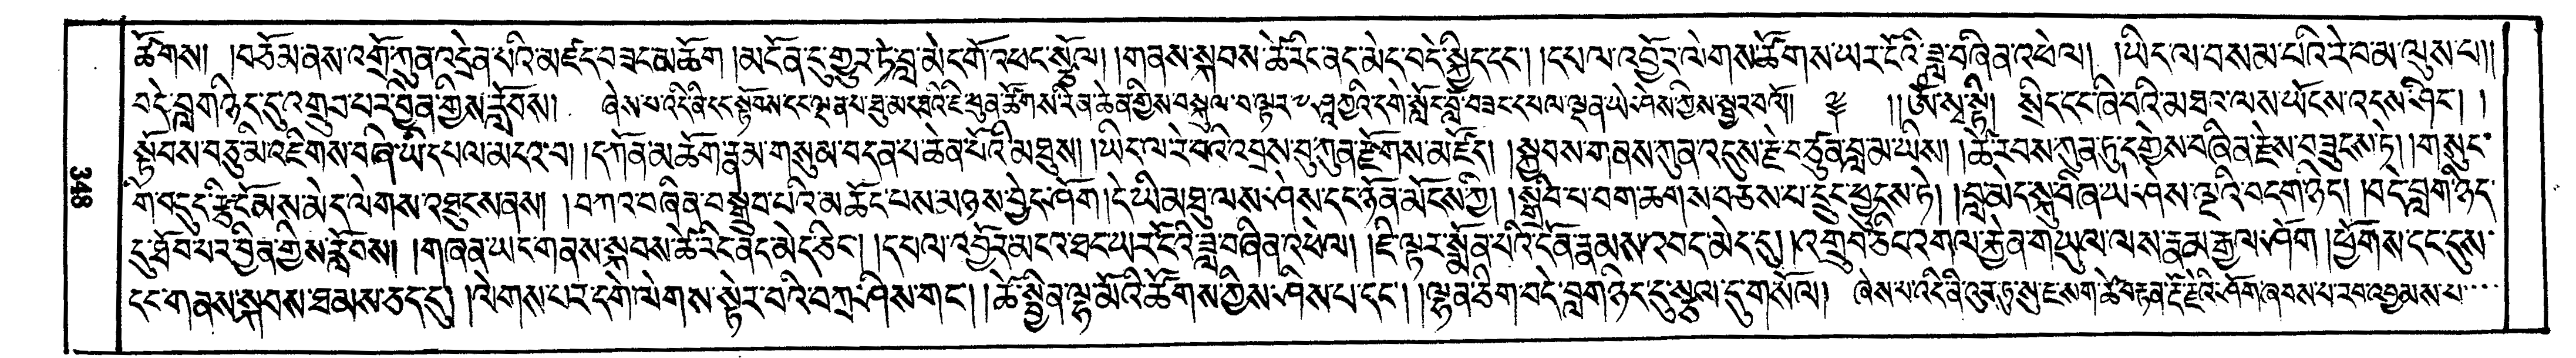ཚོགས། །བཅོམ་ནས་འགྲོ་ཀུན་འདྲེན་པའི་མཛད་བཟང་མཆོག །མངོན་དུ་གྱུར་ཏེ་བླ་མེད་གོ་འཕང་སྩོལ། །གནས་སྐབས་ཚེ་རིང་ནད་མེད་བདེ་སྐྱིད་དང་། །དཔལ་འབྱོར་ལེགས་ཚོགས་ཡར་ངོའི་ཟླ་བཞིན་འཕེལ། །ཡིད་ལ་བསམ་པའི་རེ་བ་མ་ལུས་པ།།
བདེ་བླག་ཉིད་དུ་འགྲུབ་པར་བྱིན་གྱིས་རློབས། ཞེས་པ་འདི་ནི་དང་སྟོབས་དང་ལྡན་པ་ཐུ་མང་ཐའི་ཇི་ཕུན་ཚོགས་རིན་ཆེན་གྱིས་བསྐུལ་བ་ལྟར ༧ཤཱཀྱའི་དགེ་སློང་བློ་བཟང་དཔལ་ལྡན་ཡེ་ཤེས་ཀྱིས་སྦྱར་བའོ། ༈ །།ཨོཾ་སྭསྟི། སྲིད་དང་ཞི་བའི་མཐའ་ལས་ཡོངས་འདས་ཤིང་། །
སྟོབས་བཅུ་མི་འཇིགས་བཞི་ཡི་དཔལ་མངའ་བ། །དཀོན་མཆོག་རྣམ་གསུམ་བདེན་པ་ཆེན་པོའི་མ་ཐུས། །ཡིད་ལ་རེ་བའི་འབྲས་བུ་ཀུན་རྫོགས་མཛོད། །སྐྱབས་གནས་ཀུན་འདུས་རྗེ་བཙུན་བླ་མ་ཡིས། །ཚེ་རབས་ཀུན་ཏུ་དགྱེས་བཞིན་རྗེས་བཟུངས་ཏེ། །གསུང་
གི་བདུད་རྩི་ངོམས་མེད་ལེགས་འཐུངས་ནས། །བཀའ་བཞིན་བསྒྲུབ་པའི་མཆོད་པས་མཉེས་བྱེད་ཤོག །དེ་ཡི་མཐུ་ལས་ཤེས་དང་ཉོན་མོངས་ཀྱི། །སྒྲིབ་བ་བག་ཆགས་བཅས་པ་དྲུང་ཕྱུགས་ཏེ། །བླ་མེད་སྐུ་བཞི་ཡེ་ཤེས་ལྔའི་བདག་ཉིད། །བདེ་བླག་ཉིད་
དུ་ཐོབ་པར་བྱིན་གྱིས་རློབས། །གཞན་ཡང་གནས་སྐབས་ཚེ་རིང་ནད་མེད་ཅིང་། །དཔལ་འབྱོར་མངའ་ཐང་ཡར་ངོའི་ཟླ་བཞིན་འཕེལ། །ཇི་ལྟར་སྨོན་བའི་དོན་རྣམས་འབད་མེད་དུ། །འགྲུབ་ཅིང་འགལ་རྐྱེན་གཡུལ་ལས་རྣམ་རྒྱལ་ཤོག །ཕྱོགས་དང་དུས་
དང་གནས་སྐབས་ཐམས་ཅད་དུ། །ལེགས་པར་དགེ་ལེགས་སྟེར་བའི་བཀྲ་ཤིས་གང་། །ཚེ་སྦྱིན་ལྷ་མོའི་ཚོགས་ཀྱིས་ཤིས་པ་དང་། །ལྷན་ཅིག་བདེ་བླག་ཉིད་དུ་སྩལ་དུ་གསོལ། ཞེས་པ་འདི་ནི་འུར་ཏུ་སུ་ཇ་ས་ག་ཚེ་བརྟན་རྡོ་རྗེའི་ཤོག་ཞབས་བ་རབ་འབྱམས་པ་